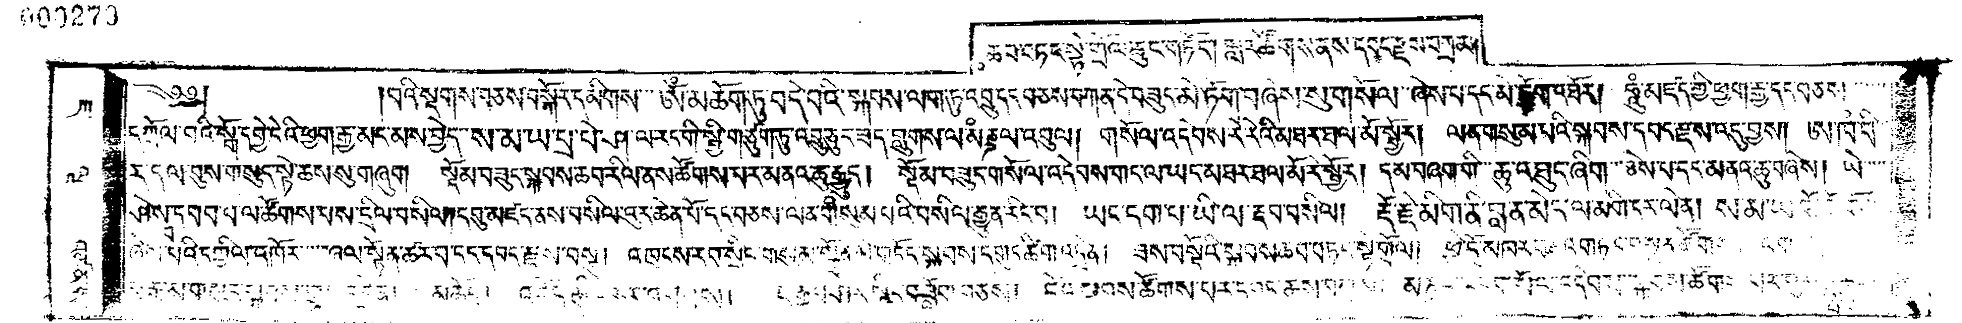༄༅། །བའི་སྔགས་བཅས་བསྐོར་དམིགས་ཨོཾ་མཆོག་ཏུ་བདེ་བའི་སྐབས་ལག་ཏུ་{ཆབ་བཏང་སྟེ་གྲོལ་ཆུང་གཏོང་། སླར་ཚོགས་ནས་དབང་རྫས་བཀྲམ།? }་འབྲུ་དང་བཅས་བཀན་དེ་བཟུང་མེ་ཏོག་བཞེས་སུ་གསོལ་ཞེས་པ་དང་མེ་ཏོག་འཐོར། ཧཱུཾ་མཛད་ཀྱི་ཕྱག་རྒྱ་དང་བཅས་
དཀྲོལ་བའི་སྒོ་དབྱེ་དེའི་ཕྱག་རྒྱ་མང་མས་བྱེད་ས་མ་ཡ་པྲ་པེ་ཤ་ལ་རང་གི་སྤྱི་གཙུག་ཏུ་འབྲུ་ཅུང་ཟད་བླུགས་ལ་མཎྜལ་འབུལ། གསོལ་འདེབས་རེ་རེའི་མཐར་ཐལ་མོ་སྦྱོར། ལན་གསུམ་པའི་སྐབས་དབང་རྫས་འདུ་བྱས། ཨ་ཁཾ་བི་
ར་དལ་བུས་གསུང་སྟེ་ཆས་སུ་གཞུག་སྡོམ་བཟུང་སྐབས་ཆབ་རིལ་ནས་ཚོགས་པར་མནའ་ཆུ་རྒྱུད། སྡོམ་བཟུང་གསོལ་འདེབས་གང་ལ་ཡང་མཐར་ཐལ་མོ་རེ་སྦྱོར། དམ་བཞག་གི་ཆུ་འཐུང་ཞིག་ཅེས་པ་དང་མནའ་ཆུ་བཞེས། ཡེ་
ཤེས་པ་དབབ་པ་ལ་ཚོགས་པས་དྲིལ་བསིལ། དབུ་མཛད་ནས་བསིལ་འུར་ཆེན་པོ་དང་བཅས་ལན་གསུམ་པའི་བསིལ་རྒྱུན་རིང་བ། ཡང་དག་པ་ཡི་ལ་རྡབ་བསིལ། རྡོ་རྗེ་མིག་ནི་བླ་ན་མེད་ལ་མིག་དར་ལེན། ས་མ་ཡ་ཧོ་ཧོ་ཧོ་
ཞེས་པའི་དཀྱིལ་འཁོར་ཞལ་སྟོན་ཚར་བ་དང་དབང་རྫས་བསྡུ། འཁྲུངས་རབ་སྲིད་གསུམ་སྒྲོན་མེ་གཏོང་སྐབས་དགུང་ཚིག་འདྲེན། ཟས་བསྔོའི་སྐབས་ཆབ་བཏང་སྟེ་གྲོལ། ཕྱི་དྲོ་མཁར་བརྡའ་གཏང་བསྟུན་ཚོགས། དགའ་ལྡན་ལྷ་
བརྒྱ་མ་གསུང་སྐབས་གྲྭ་ཇ་འདྲེན། ཇ་མཆོད། འདོད་རྒུའི་ཆར་འབེབས། ཇ་རྒྱབ་ཤེར་སྙིང་བཟློག་བཅས། དེའི་སྐབས་ཚོགས་པར་དབང་ཆས་བཀྲམ། མཎྜལ་དང་གསོལ་འདེབས་སྐབས་ཚོགས་པར་བུམ་ཆུ་རྒྱུད།